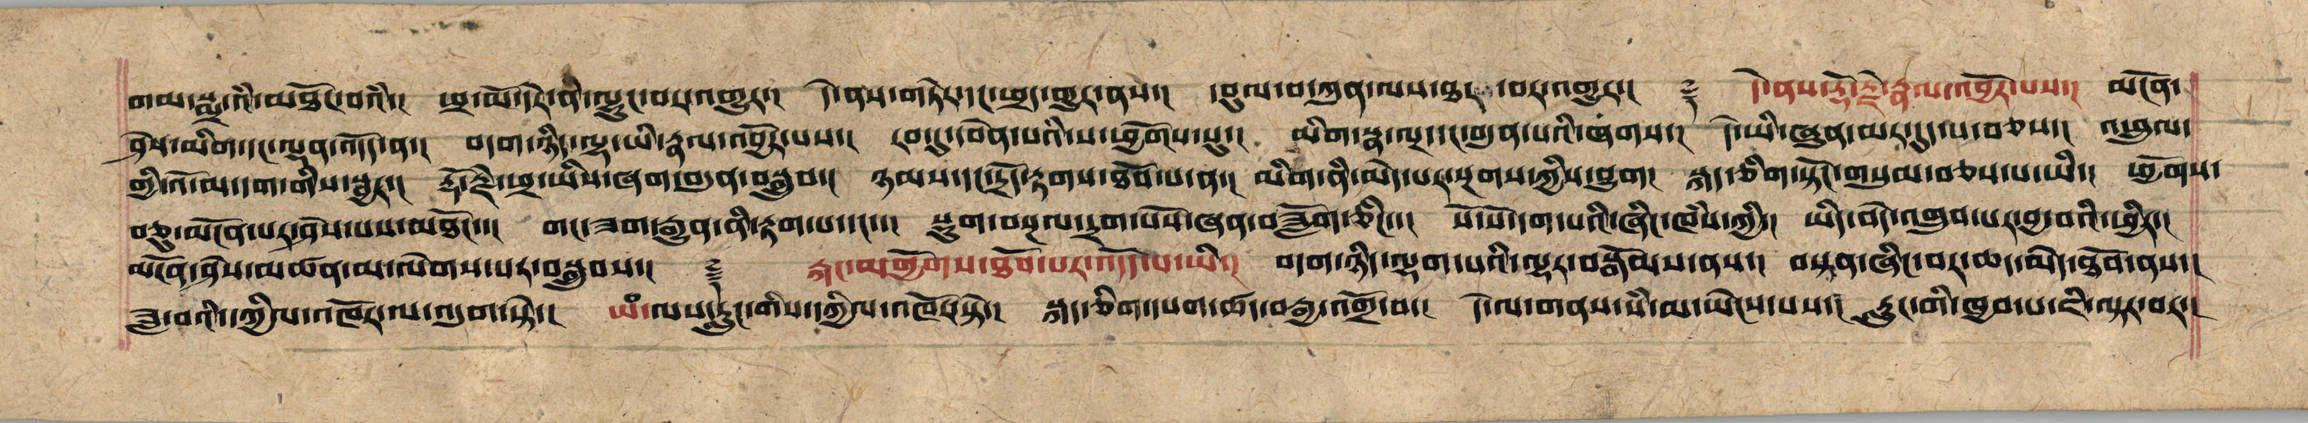གམ་སྨྲ་འཾ་མཐོང་བའཾ་། ཕྲ་མོ་དེར་ནི་ལྷུང་བར་འགྱུར་། དེ་ནས་གཏེར་དང་ཕྲད་གྱུར་ནས་། དབུལ་བ་ཀུན་ལས་ཐར ་བར་འགྱུར་། ࿑ དེ་ནས་རྡོ་རྗེ་རྣལ་འབྱོར་པས་། མངོན་
ཤེས་མིག་དང་ལྡན་འདོད་ན་། བདག་ཉིད་ལྷ་ཡི་རྣལ་འབྱོར་པས་། རབ་དུ་དབེན་པའི་ས་ཕྱོགས་སུ་། མིག་སྣ་ལྔ་དང་བདུན་པའི་ཞགས་། དེ་ཡི་ཞུན་མར་དུད་པ་བཅས་། འཕྲུལ་
གྱི་འོ་མ་དག་གིས་སྦྱར་། རྡོ་རྗེ་ཕྲ་ཡིས་ཞག་བདུན་བསྒྲུབ་། ཉམས་དང་དྲོད་རྟགས་ཐོབ་པ་ན་། མིག་ནི་མེད་པར་སྔགས་ཀྱིས་བྱུག། སྐད་ཅིག་སྟོང་གསུམ་བཅས་པ་ཡི་། ཕྱོགས་
བཅུ་མངོན་པར་ཤེས་པས་མཐོང་། གང་ཟག་རྒྱུན་ནི་རྟག་པ་དང་་། སྡུག་བསྔལ་དྲག་པོས་ཞན་བཟློག་ཅིང་་། སོ་སོ་དག་པའི་ཞིང་ཁཾས་ཀྱི་། ཡིད་བདེ་འགྲུབ་པར་བྱ་བའི་ཕྱིར་།
མངོན་ཤེས་མཚན་མ་ལེགས་པར་བསྒྲུབས་། ࿑ རྐང་མགྱོགས་ཐོབ་པར་འདོད་པ་ཡི་། བདག་ཉིད་ལྷག་པའི་ལྷར་བསྒོམས་ནས་། བསྟན་ཞིང་བར་ཆད་མེད་ཐོབ་ནས་།
ཟླ་བའི་དཀྱིལ་འཁོར་ལ་འདུག་སྟེ་། ཡཾ་ལས་རླུང་གིས་དཀྱིལ་འཁོར་སྟེ་། སྐད་ཅིག་དཔག་ཚད་བརྒྱ་འགྲོ་བ་། དེ་ལ་གནས་སཾ་མ་ཡེངས་པས་། རླུང་གི་ཁྱབ་པ་ཇི་ལྟར་བར་།